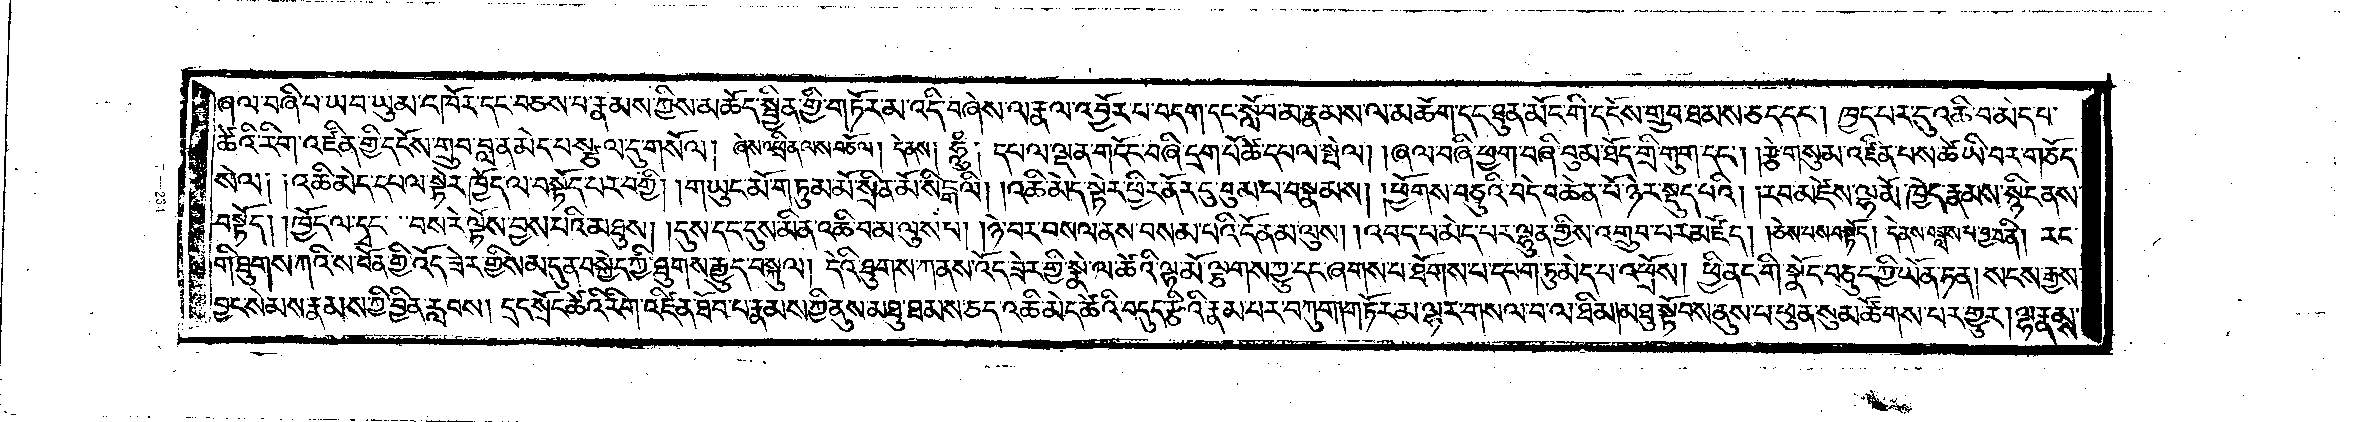ཞལ་བཞི་པ་ཡབ་ཡུམ་འཁོར་དང་བཅས་པ་རྣམས་ཀྱིས་མཆོད་སྦྱིན་གྱི་གཏོར་མ་འདི་བཞེས་ལ་རྣལ་འབྱོར་བ་བདག་དང་སློབ་མ་རྣམས་ལ་མཆོག་དང་ཐུན་མོང་གི་དངོས་གྲུབ་ཐམས་ཅད་དང་། ཁྱད་པར་དུ་འཆི་བ་མེད་པ་
ཚེའི་རིག་འཛིན་གྱི་དངོས་གྲུབ་བླ་ན་མེད་པ་སྩལ་དུ་གསོལ། ཞེས་འཕྲིན་ལས་བཅོལ། དེ་ནས།  ཧཱུཾ༑ དཔལ་ལྡན་གདོང་བཞི་དྲག་པོ་ཚེ་དཔལ་སྡེ་ལ། །ཞལ་བཞི་ཕྱག་བཞི་བུམ་ཐོད་གྲི་གུག་དང་། །རྩེ་གསུམ་འཛིན་པས་ཚེ་ཡི་བར་གཅོད་
སེལ༑ ༑འཆི་མེད་དཔལ་སྟེར་ཁྱོད་ལ་བསྟོད་པར་བགྱི། །གཡུང་མོ་གཏུམ་མོ་སྲིན་མོ་སིངྒ་ལི། །འཆི་མེད་ལྟར་ཕྱིར་ནོར་དུ་བུམ་པ་བསྣམས། །ཕྱོགས་བཅུའི་བདེ་བ་ཆེན་པོ་ཉེར་སྡུད་པའི། །རབ་མཛེས་ལྷ་མོ་ཁྱེད་རྣམས་སྙིང་ནས་
བསྟོད། །ཁྱོད་ལ་དྭང་བས་རེ་ལྟོས་བྱས་པའི་མཐུས། །དུས་དང་དུས་མིན་འཆི་བ་མ་ལུས་པ། །ཉེ་བར་བསལ་ནས་བསམ་པའི་དོན་མ་ལུས། །འབད་པ་མེད་པར་ལྷུན་གྱིས་འགྲུབ་པར་མཛོད། །ཅེས་བས་བསྟོད། དེ་ནས་བཟླས་བ་བྱ་བ་ནི།  རང་
གི་ཐུགས་ཀའི་ས་བོན་གྱི་འོད་ཟེར་གྱིས་མདུན་བསྐྱེད་ཀྱི་ཐུགས་རྒྱུད་བསྐུལ། དེའི་ཐུགས་ཀ་ནས་འོད་ཟེར་གྱི་སྣེ་ལ་ཚེའི་ལྷ་མོ་ལྕགས་ཀྱུ་དང་ཞགས་པ་ཐོགས་པ་དཔག་ཏུ་མེད་པ་འཕྲོས། ཕྱི་ནང་གི་སྣོད་བཅུད་ཀྱི་ཡོན་ཏན། སངས་རྒྱས་
བྱང་སེམས་རྣམས་ཀྱི་བྱིན་རླབས། དྲང་སྲོང་ཚེའི་རིག་འཛིན་ཐོབ་པ་རྣམས་ཀྱི་ནུས་མཐུ་ཐམས་ཅད་འཆི་མེད་ཚེའི་བདུད་རྩིའི་རྣམ་པར་བཀུག །གཏོར་མ་ལྷར་གསལ་བ་ལ་ཐིམ། མཐུ་སྟོབས་ནུས་པ་ཕུན་སུམ་ཚོགས་པར་གྱུར། ལྷ་རྣམས་